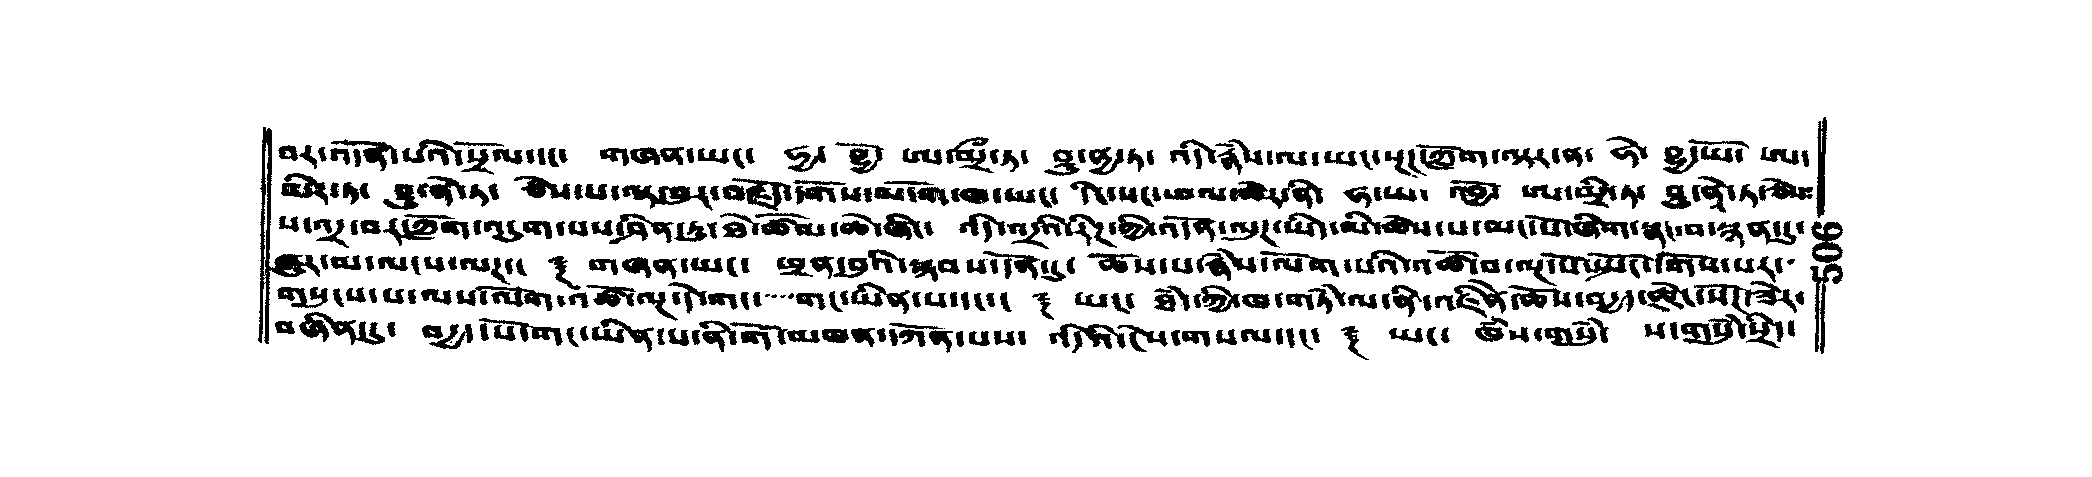བར་འདོན་པའི་སྲོལ་དང་། གཞན་ཡང་། ཧྱ། བྷྱོ། ཨ་མྲྀ་ཏ། ཤུ་ནྱ་ཏ། འདི་རྣམས་ལ་ཡང་སྔགས་ཀློག་ལྟར་ན། ཧེ། བྷ་ཡོ། ཨ་
མིར་ཏ། ཤུ་ནེ་ཏ། ཅེས་པ་ལྟ་བུར་བརྗོད་དགོས་མདོག་ཁ་ཡང་།དིང་སང་ཕལ་ཆེར་ནི། ཧ་ཡ། འབྱོ། ཨ་མྲི་ཏ། ཤུ་ནཱེ་ཏ་ཅེས་
པ་འདྲ་བར་ཀློག་འདུག་པས་ཤིན་ཏུ་ཐེ་ཚོམ་ཆེ་ཞིང་། འདི་འདྲའི་རིགས་ཀྱི་འདོན་ལུགས་ཡིད་མི་ཆེས་པ་མང་པོ་ཞིག་སྣང་བ་སྙན་དུ་
ཞུར་མ་ལངས་ལགས། ༈ གཞན་ཡང་། ཕྲན་བུའི་སྐབས་དོན་དུ། ཆོས་པ་རྣམས་ལོག་པའི་འཚོ་བ་ལྔ་པོ་སྤང་དགོས་པར་
གསུངས་པ་ལས་ལོག་འཚོ་ལྔ་དེ་གང་གང་ཡིན་པ་དང་། ༈ ཡང་། ཐམས་ཅད་ཀྱི་ཁ་གཏམ་ལ་ནི་འཇིག་རྟེན་ཆོས་བརྒྱད་ཆེ་ཆུང་སོགས་ཟེར་
བཞིན་དུ། བརྒྱད་པོ་གང་ཡིན་པ་ནི་གོ་མཁན་དཀོན་པས། འདིའི་ངེས་གསལ་དང་། ༈ ཡང་། ཁམས་གསུམ། ས་གསུམ་སྲིད་